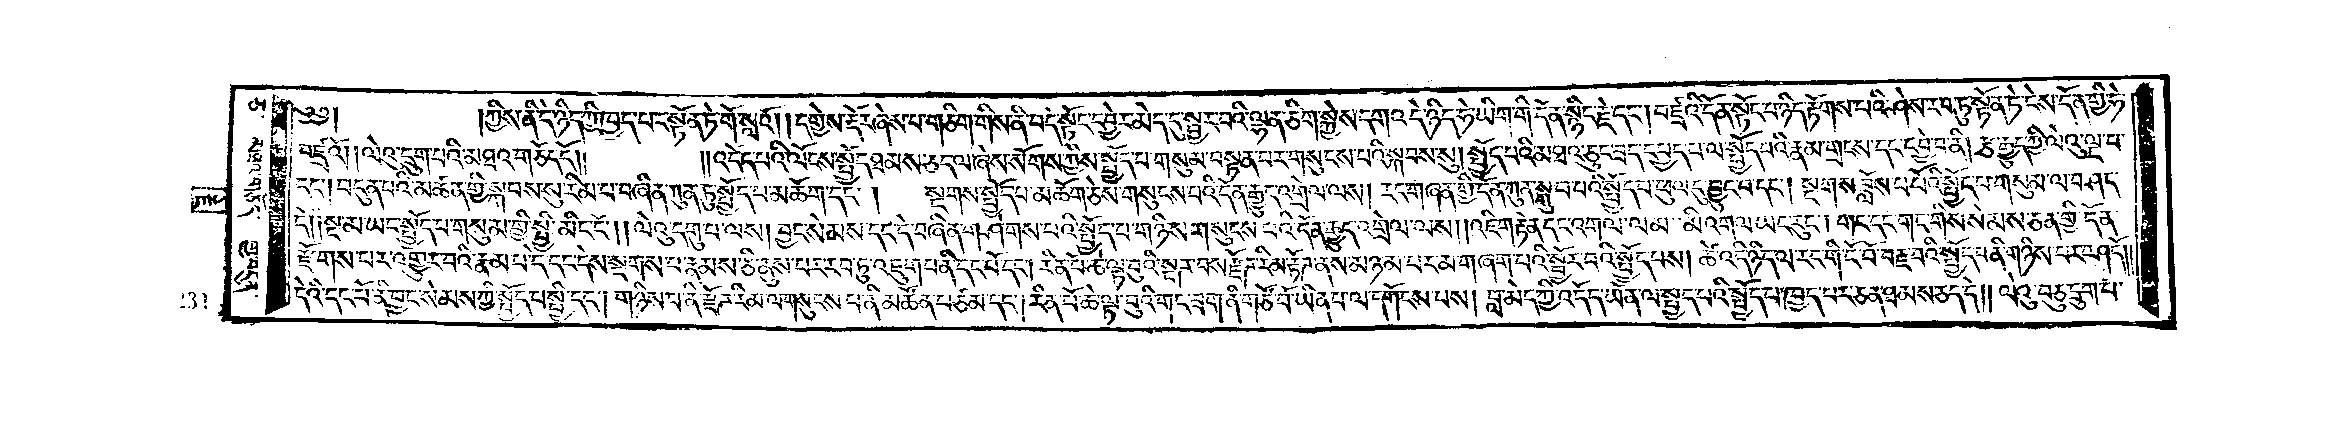༄༅། །ཀྱིས་ནི་དེ་ཉིད་ཀྱི་ཁྱད་པར་སྟོན་ཏེ་གོ་སླའོ། །དགྱེས་རྡོར་ཞེས་པ་གཅིག་གིས་ནི་བདེ་སྟོང་དབྱེར་མེད་དུ་སྦྱར་བའི་ལྷན་ཅིག་སྐྱེས་དགའ་དེ་ཉིད་ཧེ་ཡིག་གི་དོན་སྙིང་རྗེ་དང་། བཛྲའི་དོན་སྟོང་པ་ཉིད་རྟོགས་པའི་ཤེས་རབ་ཏུ་སྟོན་ཏེ་ངེས་དོན་གྱི་ཧེ་
བཛྲའོ། །ལེའུ་དྲུག་པའི་མཐའ་གཅོད་དོ།། །།འདོད་པའི་ལོངས་སྤྱོད་ཐམས་ཅད་ལ་ཞེས་སོགས་ཀྱིས་སྤྱོད་པ་གསུམ་བསྟན་པར་གསུངས་པའི་སྐབས་སུ། སྤྱོད་པའི་མཐའ་ཅུང་ཟད་དཔྱད་པ་ལ་སྤྱོད་པའི་རྣམ་གྲངས་དང་དབྱེ་བ་ནི། རྩ་རྒྱུད་ཀྱི་ལེའུ་ལྔ་པ་
དང་། བདུན་པའི་མཚན་གྱི་སྐབས་སུ་རིམ་པ་བཞིན་ཀུན་ཏུ་སྤྱོད་པ་མཆོག་དང་། སྔགས་སྤྱོད་པ་མཆོག་ཅེས་གསུངས་པའི་དོན་རྒྱུད་འགྲེལ་ལས། རང་གཞན་གྱི་དོན་ཀུན་སྒྲུབ་པའི་སྤྱོད་པ་ཕུལ་དུ་བྱུང་བ་དང་། སྔགས་ཟློས་པ་པོའི་སྤྱོད་པ་གསུམ་ལ་བཤད་
དོ། །སྔ་མ་ཡང་སྤྱོད་པ་གསུམ་གྱི་སྤྱི་མིང་ངོ། །ལེའུ་དགུ་པ་ལས། བྱང་སེམས་དང་དེ་བཞིན་གཤེགས་པའི་སྤྱོད་པ་གཉིས་གསུངས་པའི་དོན་རྒྱུད་འགྲེལ་ལས། །འཇིག་རྟེན་དང་འགལ་ལམ་མི་འགལ་ཡང་རུང་། གང་དང་གང་གིས་སེམས་ཅན་གྱི་དོན་
རྫོགས་པར་འགྱུར་བའི་རྣམ་པ་དེ་དང་དེས་སྔགས་པ་རྣམས་ཅི་ནུས་པར་རབ་ཏུ་འཇུག་པ་ནི་དང་པོ་དང་། རིན་པོ་ཆེ་ལྟ་བུའི་སྔགས་བས་རྫོགས་རིམ་རྟོགས་ནས་མཉམ་པར་མ་གཞག་པའི་སྦྱོར་བའི་སྤྱོད་པས། ཚེ་འདི་ཉིད་ལ་རང་གི་ངོ་བོ་བརྗེ་བའི་སྤྱོད་པ་ནི་གཉིས་པར་བཤད་དོ།།
དེའི་དང་པོ་ནི་བྱང་སེམས་ཀྱི་སྤྱོད་པ་སྤྱི་དང་། གཉིས་པ་ནི་རྫོགས་རིམ་ལ་གསུངས་པ་ནི་མཚོན་པ་ཙམ་དང་། རིན་པོ་ཆེ་ལྟ་བུའི་གང་ཟག་ནི་གཙོ་བོ་ཡིན་པ་ལ་དགོངས་པས། བླ་མེད་ཀྱི་འདོད་ཡོན་ལ་སྤྱད་པའི་སྤྱོད་པ་ཁྱད་པར་ཅན་ཐམས་ཅད་དེ། །ལེའུ་བཅུ་དྲུག་པ་